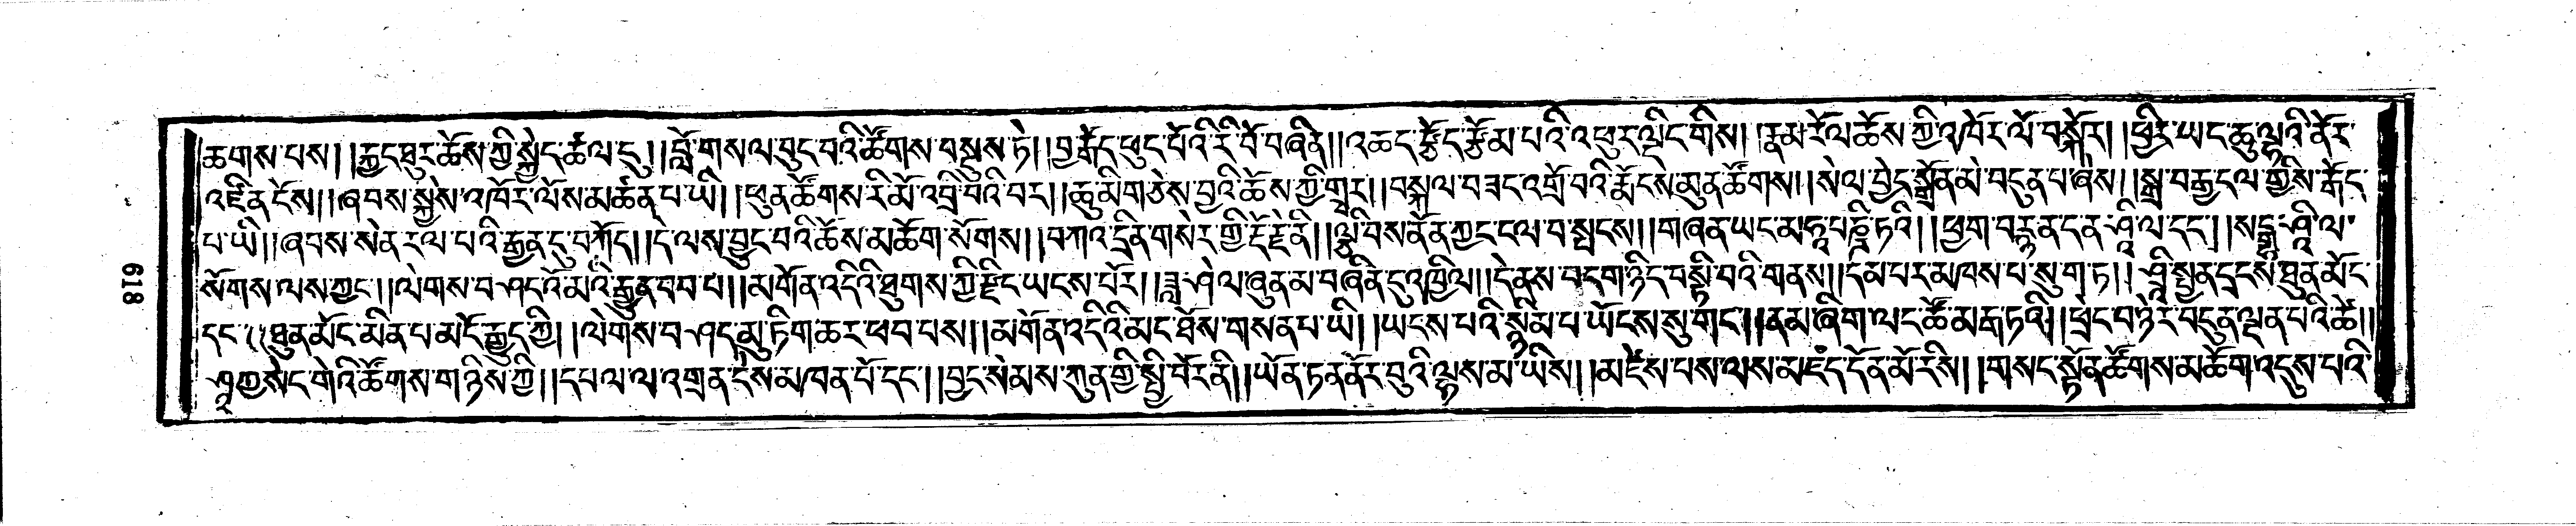ཆགས་པས། །རྐྱང་ཐུར་ཆོས་ཀྱི་སྐྱེད་ཚལ་དུ། །བློ་གསལ་བུང་བའི་ཚོགས་བསྡུས་ཏེ། །བྱ་རྒོད་ཕུང་པོའི་རི་བོ་བཞིན། །འཆད་རྩོད་རྩོམ་པའི་འཕུར་ལྡིང་གིས། །རྣམ་རོལ་ཆོས་ཀྱི་འཁོར་ལོ་བསྐོར། །ཕྱིར་ཡང་ཆུ་ལྷའི་ནོར་
འཛིན་ངོས། །ཞབས་སྐྱེས་འཁོར་ལོས་མཚན་པ་ཡི། །ཕུན་ཚོགས་རི་མོ་འབྲི་བའི་བར། །ཆུ་མིག་ཅེས་བྱའི་ཆོས་ཀྱི་གྲྭར། །བསྐལ་བཟང་འགྲོ་བའི་རྨོངས་མུན་ཚོགས། །སེལ་བྱེད་སྒྲོན་མེ་བདུན་པ་ཞེས། །སྒྲ་བརྒྱ་བལ་གྱིས་རྒོད་
པ་ཡི། །ཞབས་སེན་རལ་པའི་རྒྱན་དུ་བཀོད། །དེ་ལས་བྱུང་བའི་ཆོས་མཆོག་སོགས། །བཀའ་དྲིན་གསེར་གྱི་རྡོ་རྗེ་ནི། །ལྕི་བས་ནོན་ཀྱང་ངལ་བ་སྤངས། །གཞན་ཡང་མ་ཧཱ་པཎྚི་ཏའི། །ཕྱག་བརྙན་ད་ན་ཤཱི་ལ་དང་། །སངྒྷ་ཤཱི་ལ་
སོགས་ལས་ཀྱང་། །ལེགས་བཤད་འོ་མའི་རྒྱུན་བབ་པ། །མགོན་འདིའི་ཐུགས་ཀྱི་རྫིང་ཡངས་པོར། །ཟླ་ཤེལ་ཞུན་མ་བཞིན་དུ་འཁྱིལ། །དེ་ནས་བདག་ཉིད་བསྟི་བའི་གནས། །དམ་པར་མཁས་པ་སུ་ག་ཏེ། །ཤྲཱི་སྤྱན་དྲངས་ཐུན་མོང་
དང༑ ༑ཐུན་མོང་མིན་པ་མདོ་རྒྱུད་ཀྱི། །ལེགས་བཤད་མུ་ཏིག་ཆར་ཕབ་པས། །མགོན་འདིའི་མང་ཐོས་གསན་པ་ཡི། །ཡངས་པའི་སྙིམ་པ་ཡོངས་སུ་གང་། །ནམ་ཞིག་ལང་ཚོ་མ་རྒ་ཏའི། །ཕྲེང་བ་ཉེར་བདུན་ལྡན་པའི་ཚེ། །
ཤཱཀྱ་སེང་གེའི་ཚོགས་གཉིས་ཀྱི། །དཔལ་ལ་འགྲན་ངེས་མཁན་པོ་དང་། །བྱང་སེམས་ཀུན་གྱི་སྤྱི་བོར་ནི། །ཡོན་ཏན་ནོར་བུའི་ལྷས་མ་ཡིས། །མཛེས་པས་ལས་མཛད་དོན་མོ་རིས། །གསང་སྟོན་ཚོགས་མཆོག་འདུས་པའི་